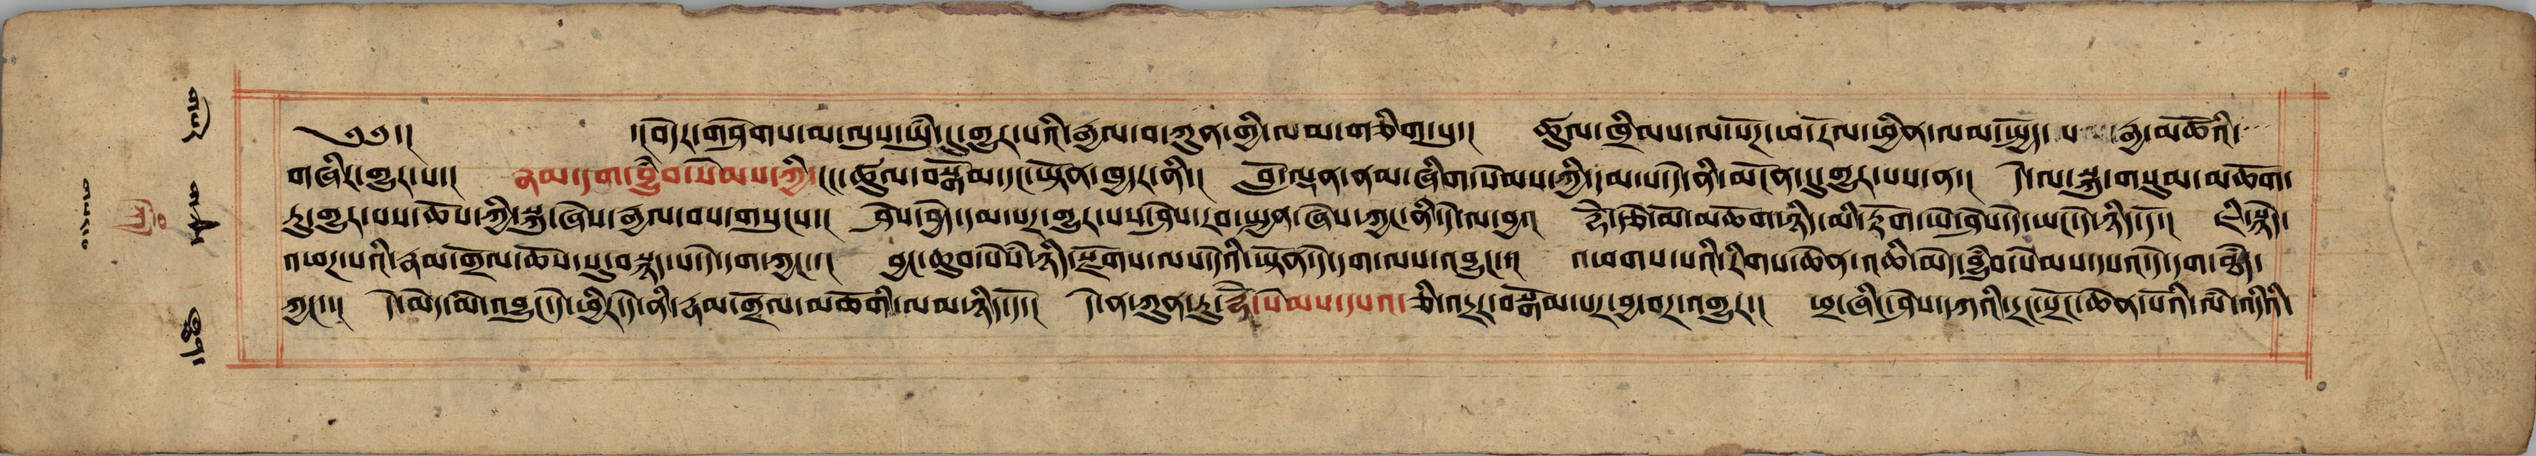༄༅་། ་།བདེར་གཤེགས་མ་ལུས་ཡུཾ་དུ་གྱུར་པའི་རྒྱལ་བ་ཀུན་གྱི་ལམ་གཅིག་པུ་། ཚུལ་ཁྲིམས་ལ་སོཌ་ཕ་རོལ་ཕྱིན་ལམ་སྤྱོད་པ་རྒྱ་མཚོའི་
གཞིར་གྱུར་པ་། རྣམ་དག་བྱུཾབ་སེམས་ཀྱི་ངང་ཚུལ་བསྒོམ་དང་ཡྟོན་ཁྱདར་ནི་། བློ་ལྡན་ནམ་ཞིག་སེམས་ཀྱི་དམ་པ་དེ་ནི་མངོན་དུ་གྱུར་པས་ན་། དེ་ལ་སྐུ་གསུམ་མཆོག་
ཏུ་གྱུར་པས་ཆོས་ཀྱི་སྐུ་ཞེས་རྒྱལ་བས་གསུངས་། ཤེས་བྱེད་དམ་པར་གྱུར་པས་ཤེས་རབ་སྤྱན་ཞེས་ཀྱང་ནི་དེ་ལ་བྱ་། རྡོེ་རྩེ་མོ་མཆོག་ཉིད་མི་རྟོག་ཡེ་ཤེས་དེ་ཡང་དེ་ཉིད་དོ་། ཇི་སྙེད་
འཕཌ་པའི་རྣམ་གྲོལ་ཆོས་སུ་བསྙད་པ་དེ་དག་ཀྱང་་། བྱང་ཆུབ་སེཾས་ཉིད་སྫོགས་ལས་དེའི་ཡྟོན་དེ་དག་ལས་འབྱུང་་། འཕགས་པའི་རིགས་ཆེན་འཆི་མེད་བྱུཾབ་སེམས་དཔའ་དེ་དག་ཐདཾ་
ཀྱང་་། དེ་མེད་མི་འབྱུང་དེ་ཕྱིར་དེ་ནི་རྣམ་གྲོལ་མཆོགི་ལམ་ཉིད་དོ་། དེ་ན་ཀུན་ཏུ་རྡོེ་སེམས་དཔའ་ཅི་འདྲར་བསྒོམ་པར་བྱ་བར་འགྱུར་། ཕྲ་ཞིང་ཤེས་དཀའི་དྲང་སྲོང་ཆེན་པོའི་ལཾ་འདིའི་